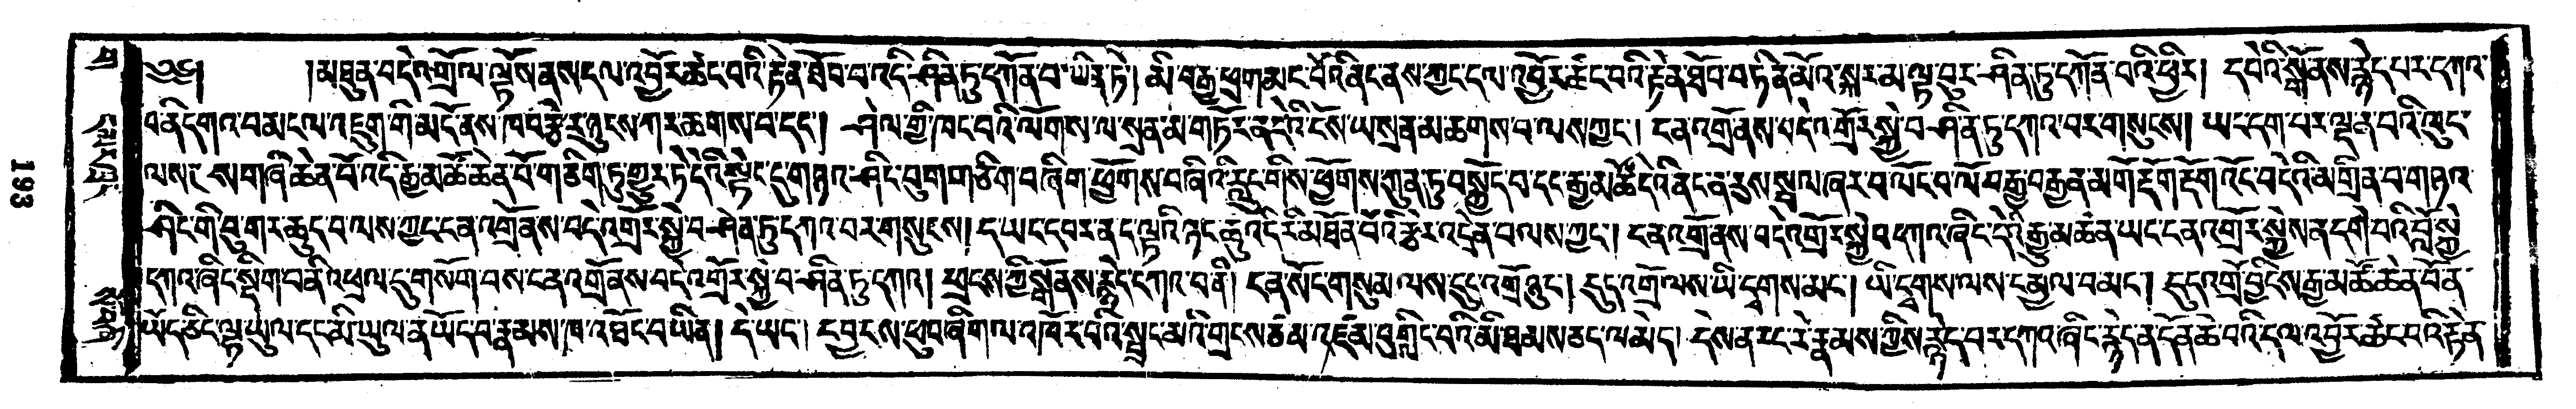༄༅། །མཐུན་བདེ་འགྲོལ་ལྟོས་ནས་དལ་འབྱོར་ཚང་བའི་རྟེན་ཐོབ་བ་འདི་ཤིན་ཏུ་དཀོན་པ་ཡིན་ཏེ། མི་བརྒྱ་ཕྲག་མང་པོའི་ནང་ནས་ཀྱང་དལ་འབྱོར་ཚང་བའི་རྟེན་ཐོབ་བསྟེན་མོའི་སྐར་མ་ལྟ་བུར་ཤིན་ཏུ་དཀོན་བའི་ཕྱིར། དབེའི་སྒོ་ནས་རྙེད་པར་དཀའ་
བ་ནི་དགའ་བ་མངལ་འཇུག་གི་མདོ་ནས་ཁ་བརྩེ་ར་ཉུངས་ཀར་ཆགས་བ་དང་། ཤེལ་གྱི་ཁང་བའི་ལོགས་ལ་སྲན་མ་གཏོར་ན་དེའི་ངོས་ཡ་སྲན་མ་ཆགས་བ་ལས་ཀྱང་། ངན་འགྲོ་ནས་བདེ་འགྲོར་སྐྱེ་བཤིན་ཏུ་དཀའ་བར་གསུངས། ཡང་དག་པར་ལྡན་པའི་ལུང་
ལས༑ ས་གཞི་ཆེན་པོ་འདི་རྒྱ་མཚོ་ཆེན་པོ་གཅིག་ཏུ་གྱུར་ཏེ་དེའི་སྟེང་དུ་གཉ་ཤིང་བུག་གཅིག་བ་ཞིག་ཕྱོགས་བཞིའི་རླུང་གིས་ཕྱོགས་ཀུན་ཏུ་བསྐྱོད་པ་དང་རྒྱ་མཚོ་དེའི་ནང་ན་རུས་སྦལ་ཞར་བ་ལོང་བ་ལོ་བརྒྱ་བརྒྱན་མགོ་རྡོག་རྡོག་འོང་བ་དེའི་མགྲིན་བ་གཉའ་
ཤིང་གི་བུ་གར་ཆུད་བ་ལས་ཀྱང་ངན་འགྲོ་ནས་བདེ་འགྲོར་སྐྱེ་བ་ཤེན་ཏུ་དཀའ་བར་གསུངས། ད་ཡང་དབང་ན་ད་ལྟའི་ཉང་ཆུ་འདྲེན་བ་ལས་ཀྱང་། ངན་འགྲོ་ནས་བདེ་འགྲོར་སྐྱེ་བ་དཀའ་ཞིང་དེའི་རྒྱུ་མཚན་ཡང་ངན་འགྲོར་སྐྱེས་ན་དགེ་བའི་བློ་སྐྱེ་
དཀའ་ཞིང་སྡིག་བ་ནི་འཕྲལ་དུ་གསོག་བས་ངན་འགྲོ་ནས་བདེ་འགྲོར་སྐྱེ་བ་ཤིན་ཏུ་དཀའ། ཕྲངས་ཀྱི་སྒོ་ནས་རྙེད་དཀའ་བ་ནི། ངན་སོང་གསུམ་ལས་དུད་འགྲོ་ཉུང་། དུད་འགྲོ་ལས་ཡི་དྭགས་མང་། ཡི་དྭགས་ལས་དམྱལ་བ་མ། དུད་འགྲོ་བྱིངས་རྒྱ་མཚོ་ཆེན་པོ་ན་
ཡོད་ཅིང་ལྷ་ཡུལ་དང་མི་ཡུལ་ན་ཡོད་བ་རྣམས་ཁ་འཐོང་བ་ཡིན། དེ་ཡང་། དབྱངས་ཕུབ་ཞིག་ལ་འཁོར་བའི་སྦྲང་མའི་གྲངས་ཙམ་འཛམ་བུ་གླིང་བའི་མི་ཐམས་ཅད་ལ་མེད། དེས་ན་རང་རེ་རྣམས་ཀྱིས་རྙེད་བར་དཀའ་ཞིང་རྙེད་ན་དོན་ཆེ་བའི་དལ་འབྱོར་ཚང་བའི་རྟེན་